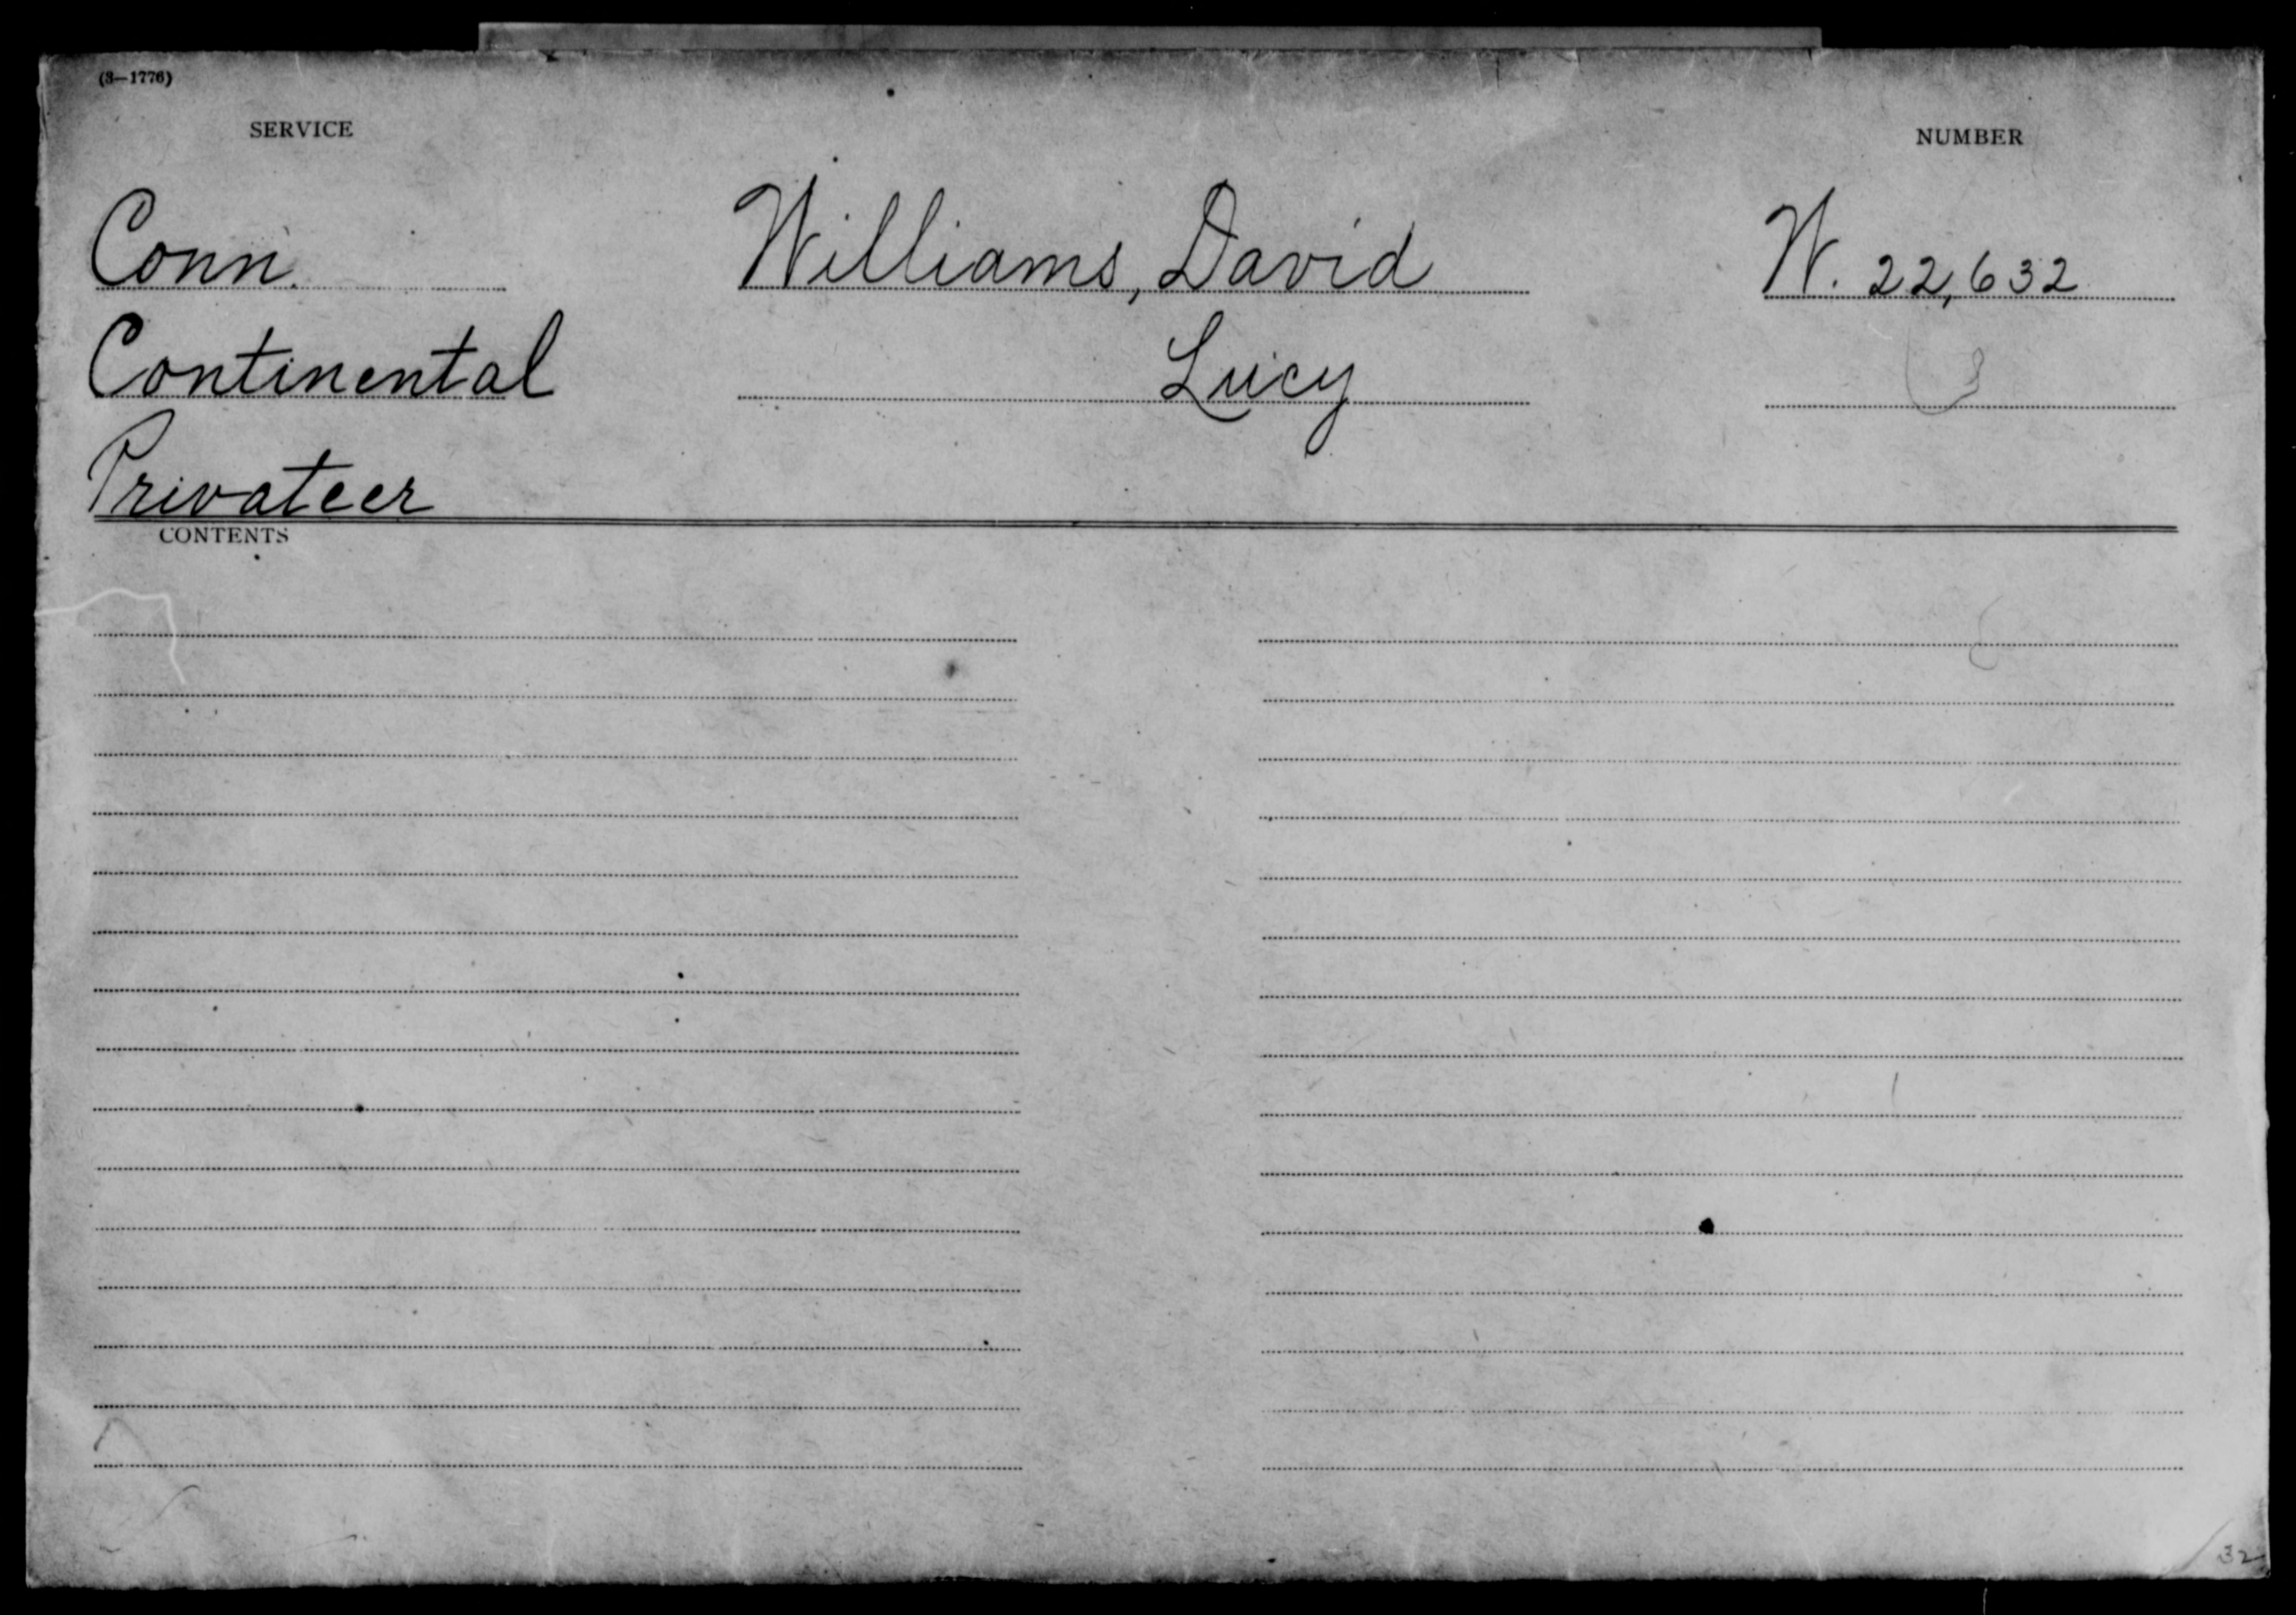Conn. Continental Privateer
Williams, David
Lucy
W22,632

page: 1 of 63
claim: widow's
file: W. 22,632, David Williams, Conn. Continental Privateer